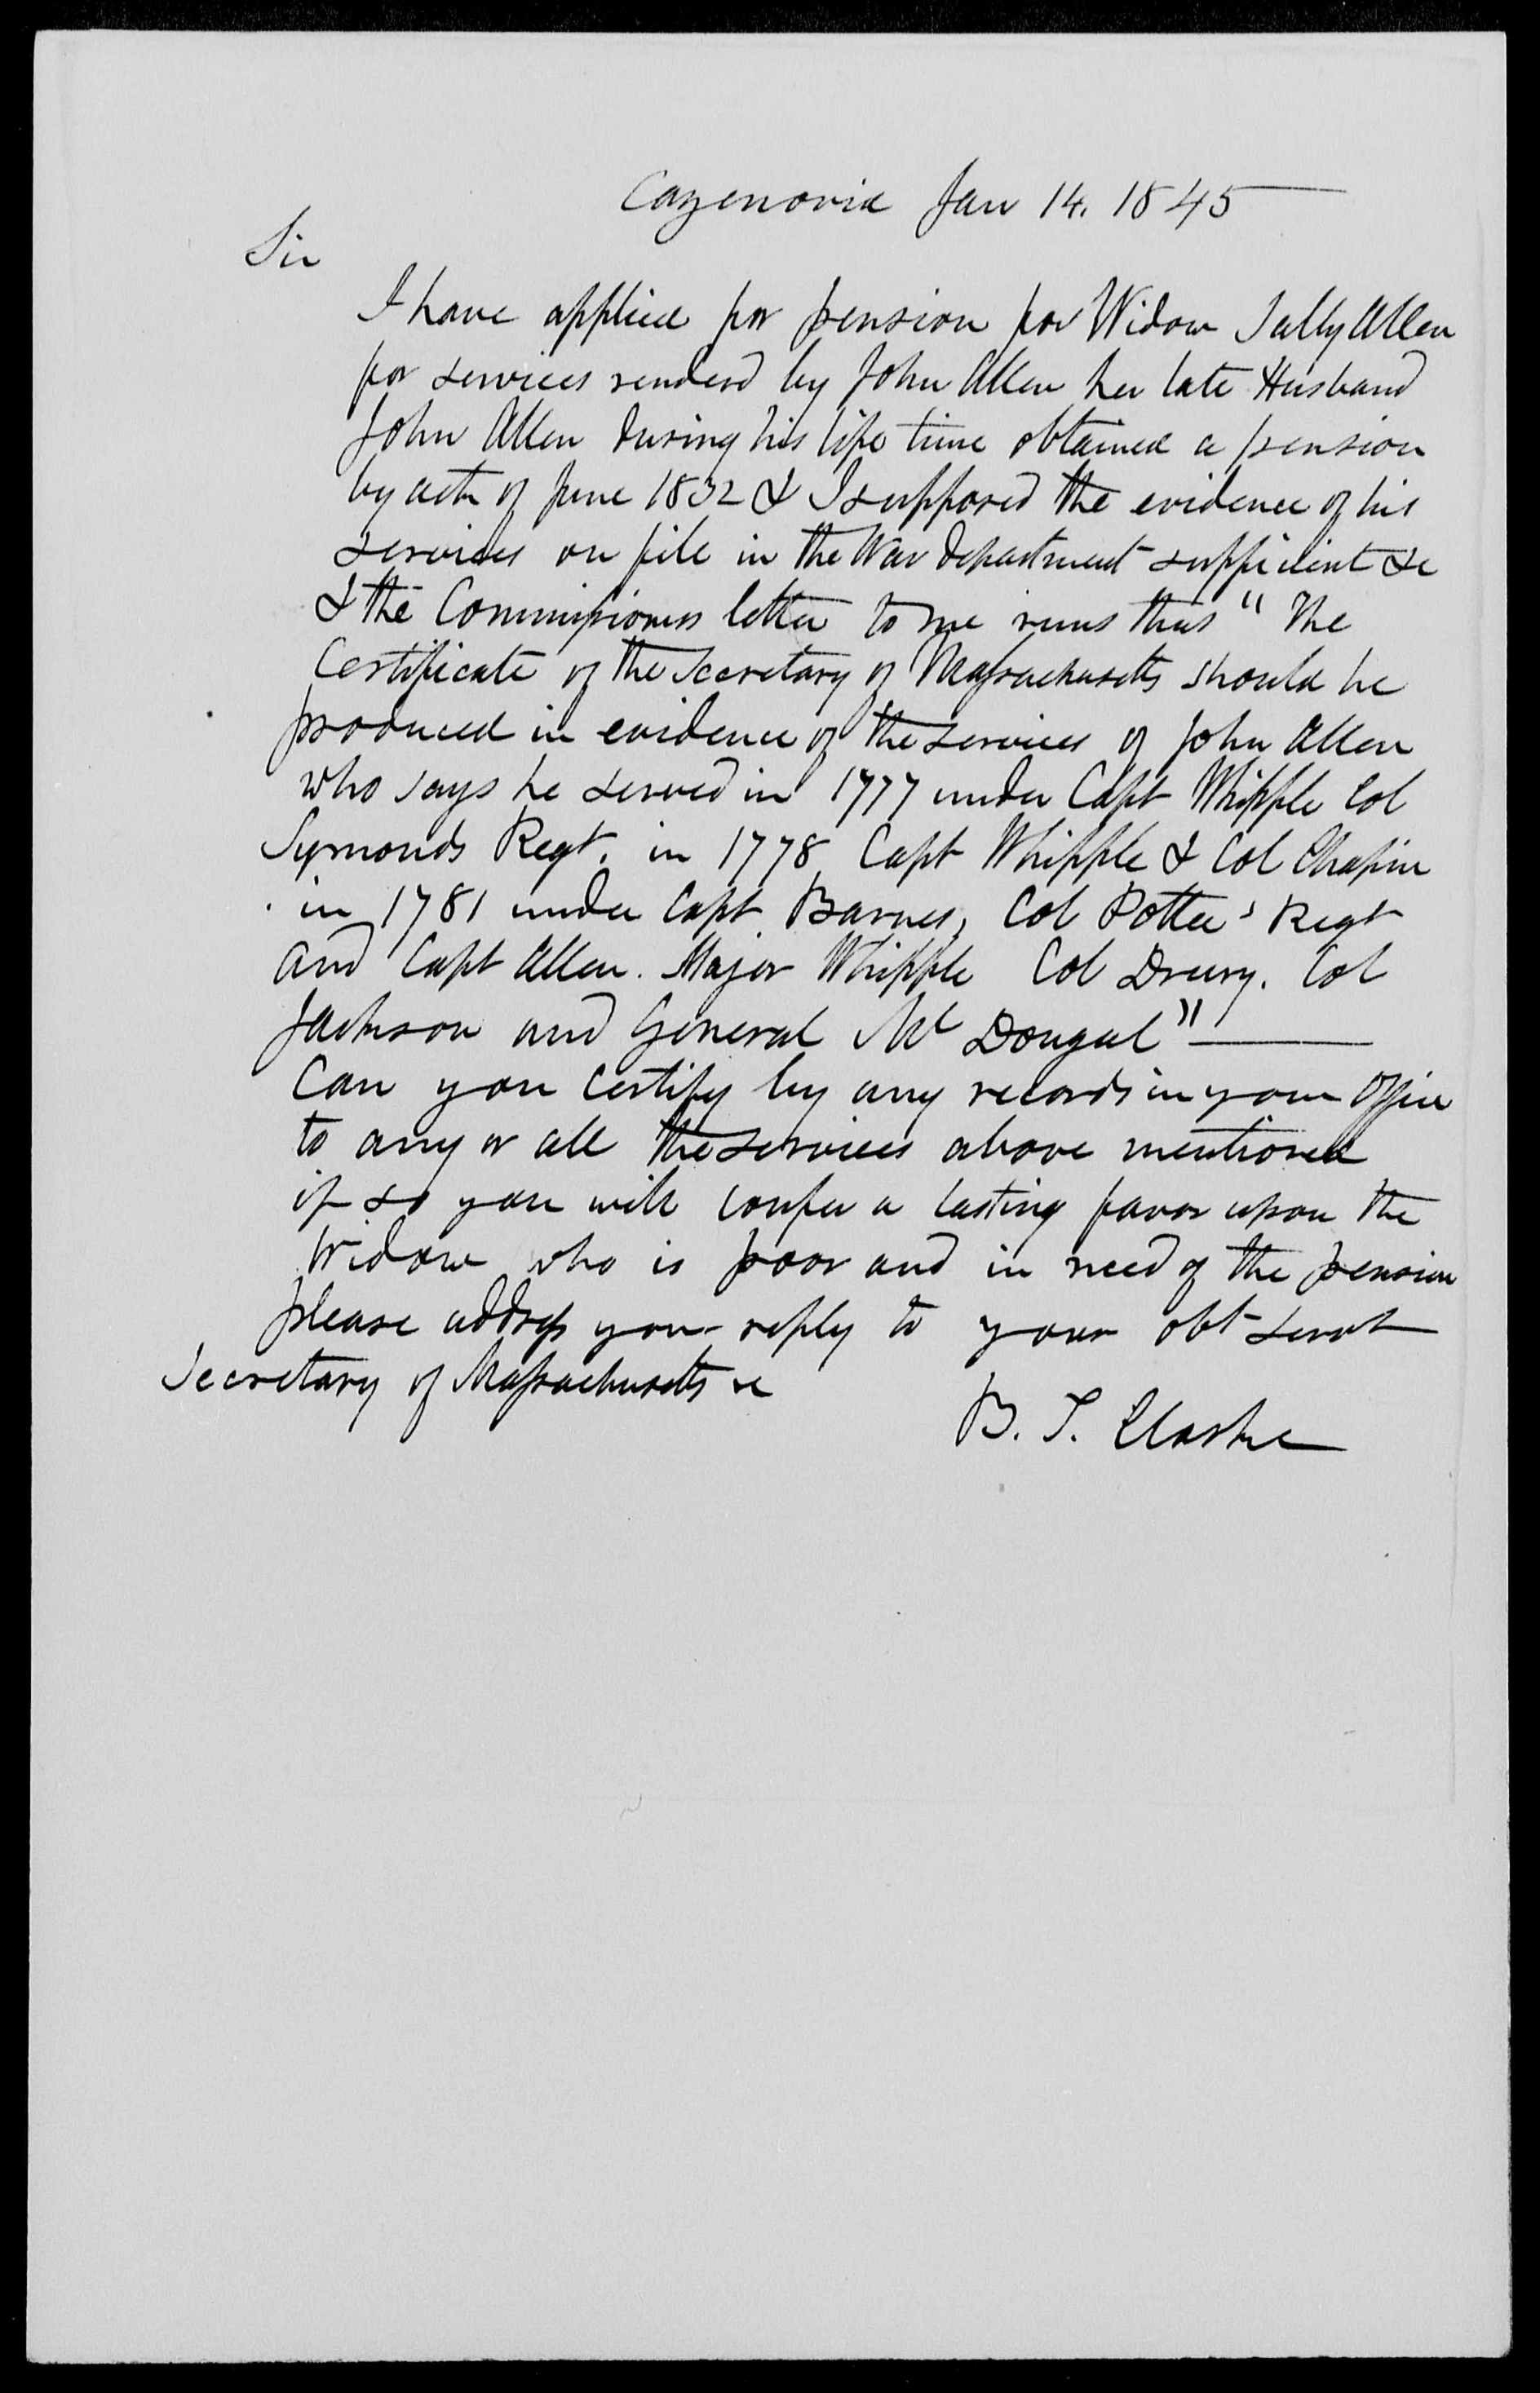Sir Cazenovia Jan 14, 1845 
Sir
I have applied for pension for Widow Sally Allen for services rendered by John Allen her late husband John Allen during his life time obtained a pension act of June 1832 & I supposed the evidence of his services on file in the War Department sufficient &c & the Commissioners letter to me runs thus “the Certificate of the Secretary of Massachusetts should be produced in evidence of the services of John Allen who says he served in John Allen 1777 under Capt Whipple Col Symonds Regt in 1778  Capt Whipple & Col Chapin in 1781 under Capt. Barnes, Col Potters Regt and Capt Allen Major Whipple Col Drury, Col Jackson and General McDougal " _________ 
can you certify by any records in your office to any or all the services above mentioned if so you will confer a lasting favor upon the Widow who is poor and in need of the pension please address your reply to your obt servant Secretary of Massachusetts  
B. T. Clarke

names: John Allen, John Allen, Mc Dougal, Jackson, Sally Allen, B T Clarke, Allen, Whipple, Chapin, John Allen, Barnes, Drury, Whipple, Whipple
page: 40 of 74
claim: widow's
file: W. 23424, John Allen, Mass. R. I.